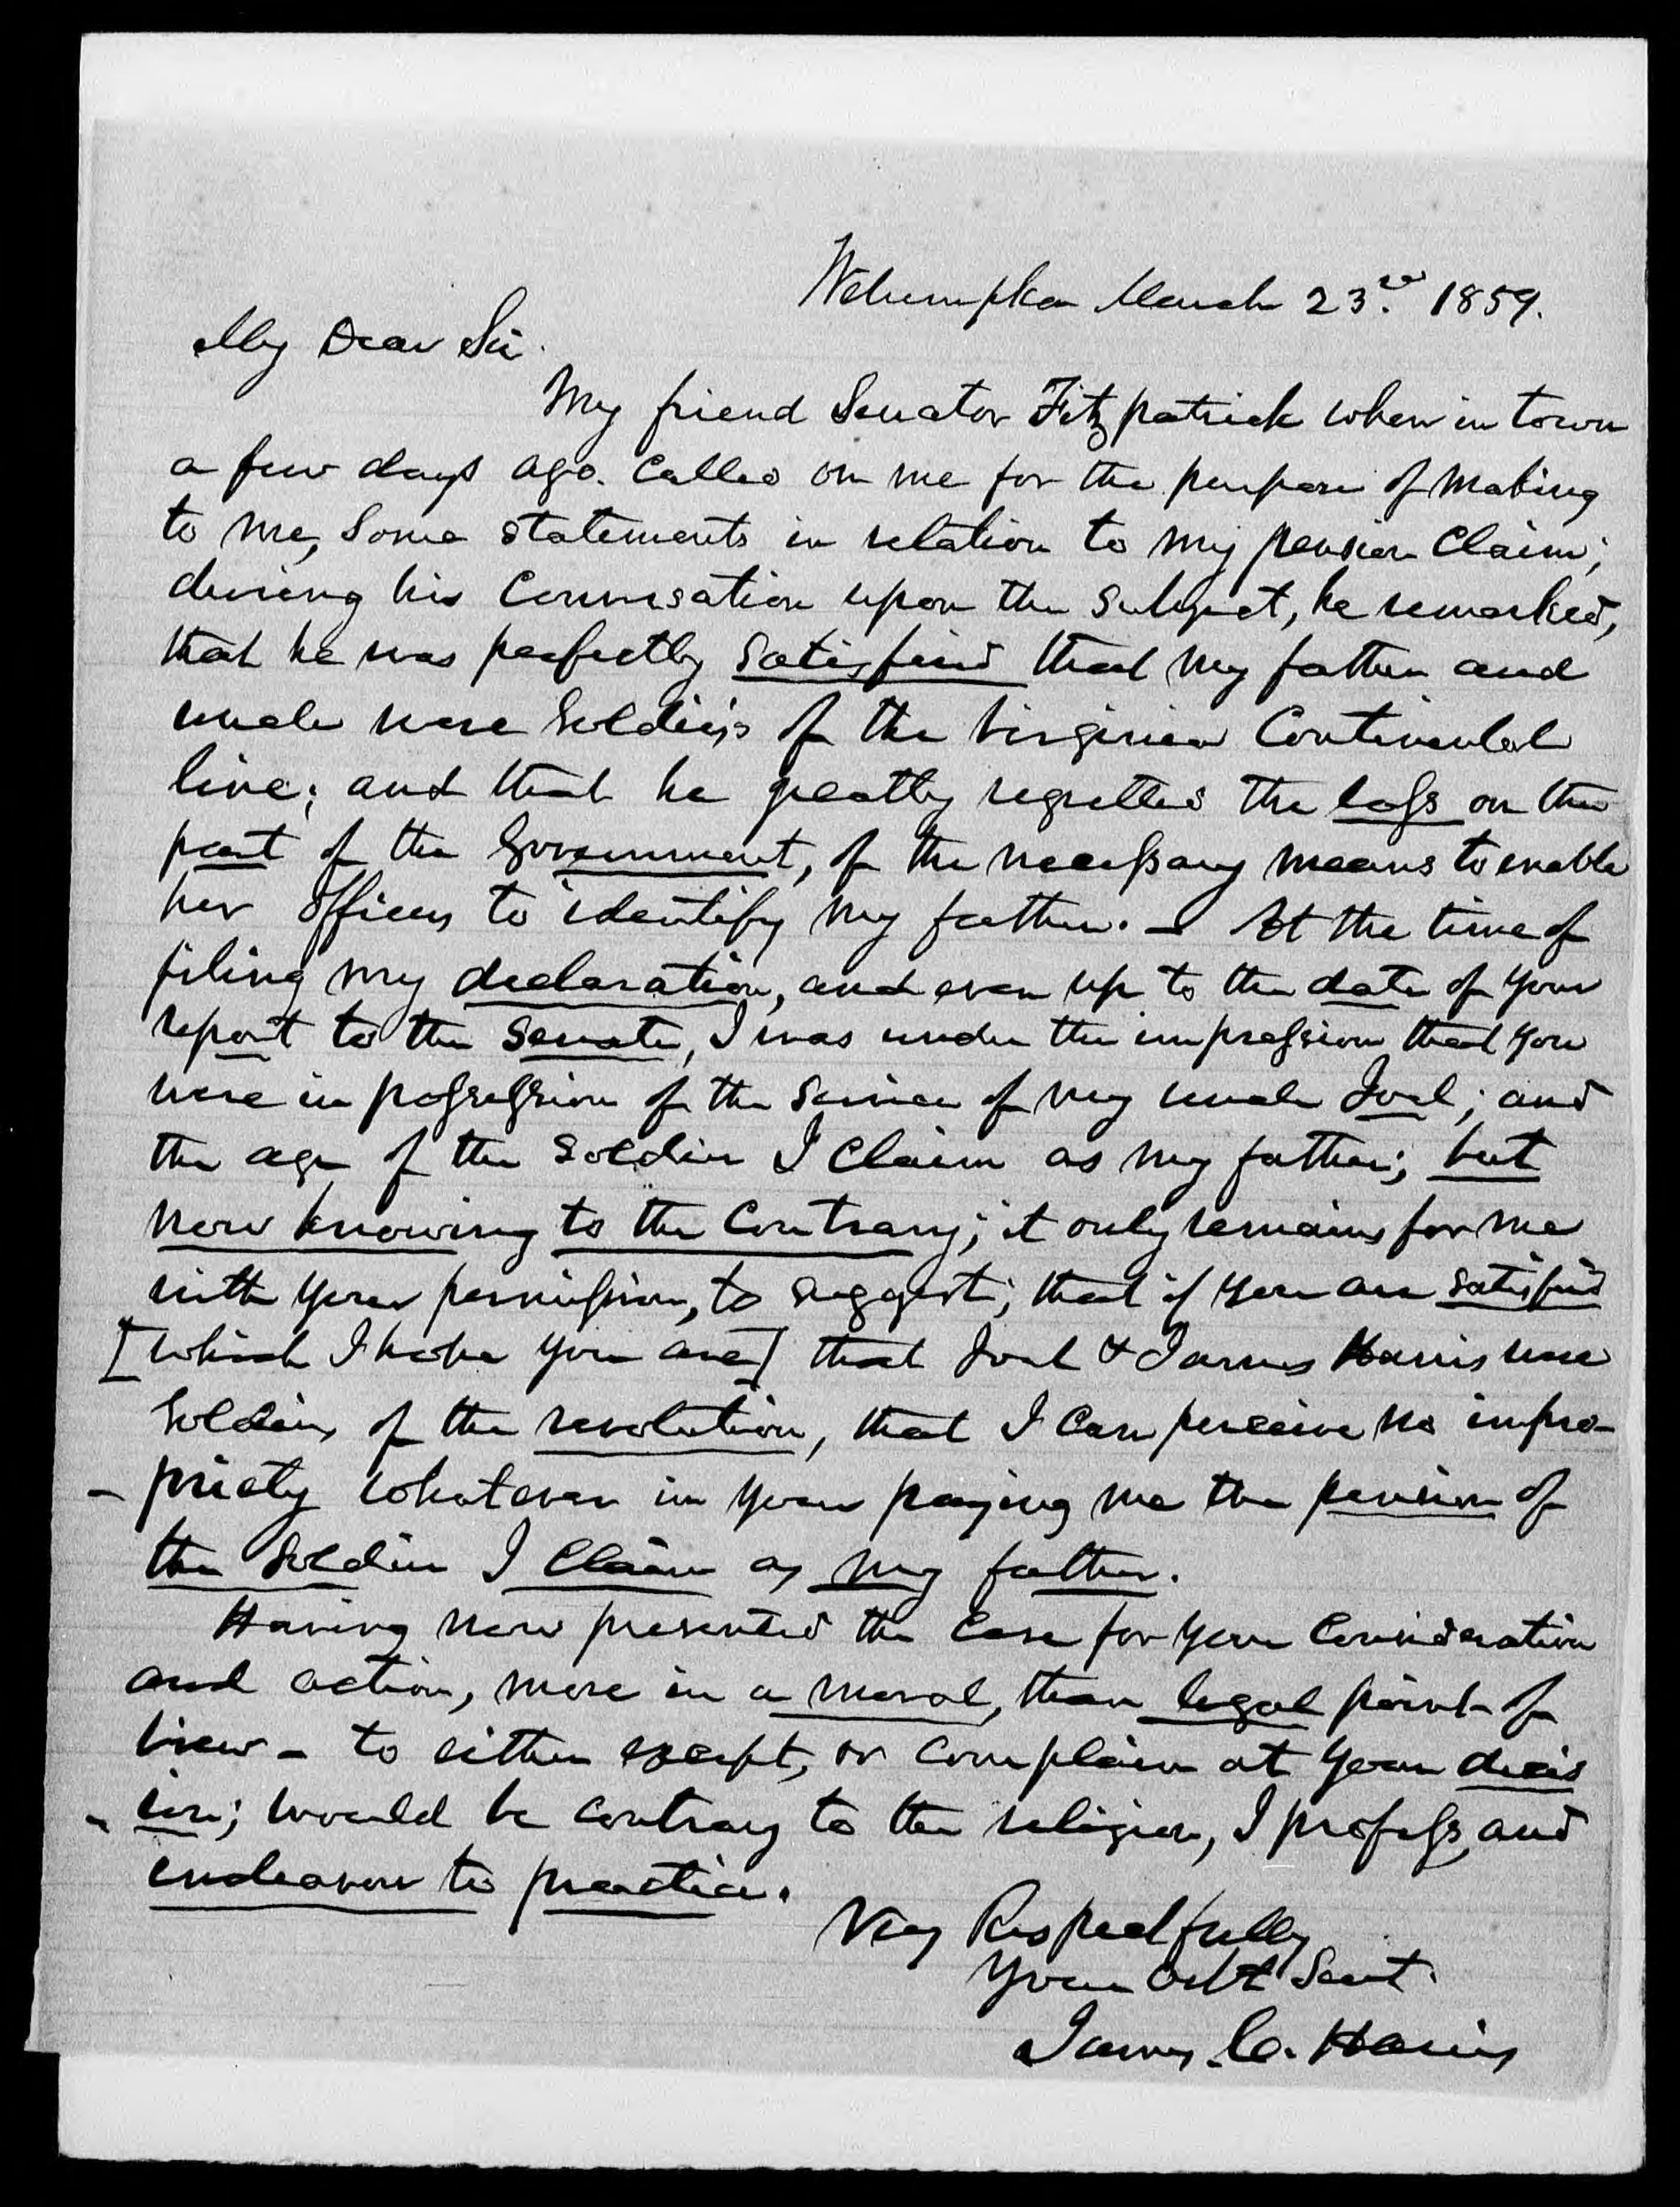Wetumpka March 23rd 1859
My Dear Sir
My friend Senator Fitzpatrick when in town a few days ago called on me for the purpose of making to me some statements in relation to my pension claim, during his conversation upon the subject, he remarked that he was perfectly satisfied that my father and uncle were soldiers of the Virginia Continental line, and that he greatly regretted the loss on the part of the Government, of the necessary means to enable her offices to identify my father.  At the time of  filing my declaration, and even up to the date of your report to the Senate, I was under the impression that you were in possession of the service of my uncle Joel, and the age of the soldier I claim as my father, but now knowing to the contrary, it only remains for me with your permission, to suggest that if you are satisfied (which I hope you are) that Joel & James Harris were soldiers of the revolution, that I can perceive no impropriety whatever in your paying me the pension of the soldier I claim as my father.
Having now presented the case for your consideration and action, more in a moral than legal point of law--to either except, or complain at your decision, would be contrary to the religion I profess and endeavor to practice.
Very Respectfully
Your Obt Servt
James C. Harris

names: James Harris, Joel Harris, James C Harris, Fitzpatrick, Joel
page: 160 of 160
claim: rejected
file: R. 4666, James Harris, Va.